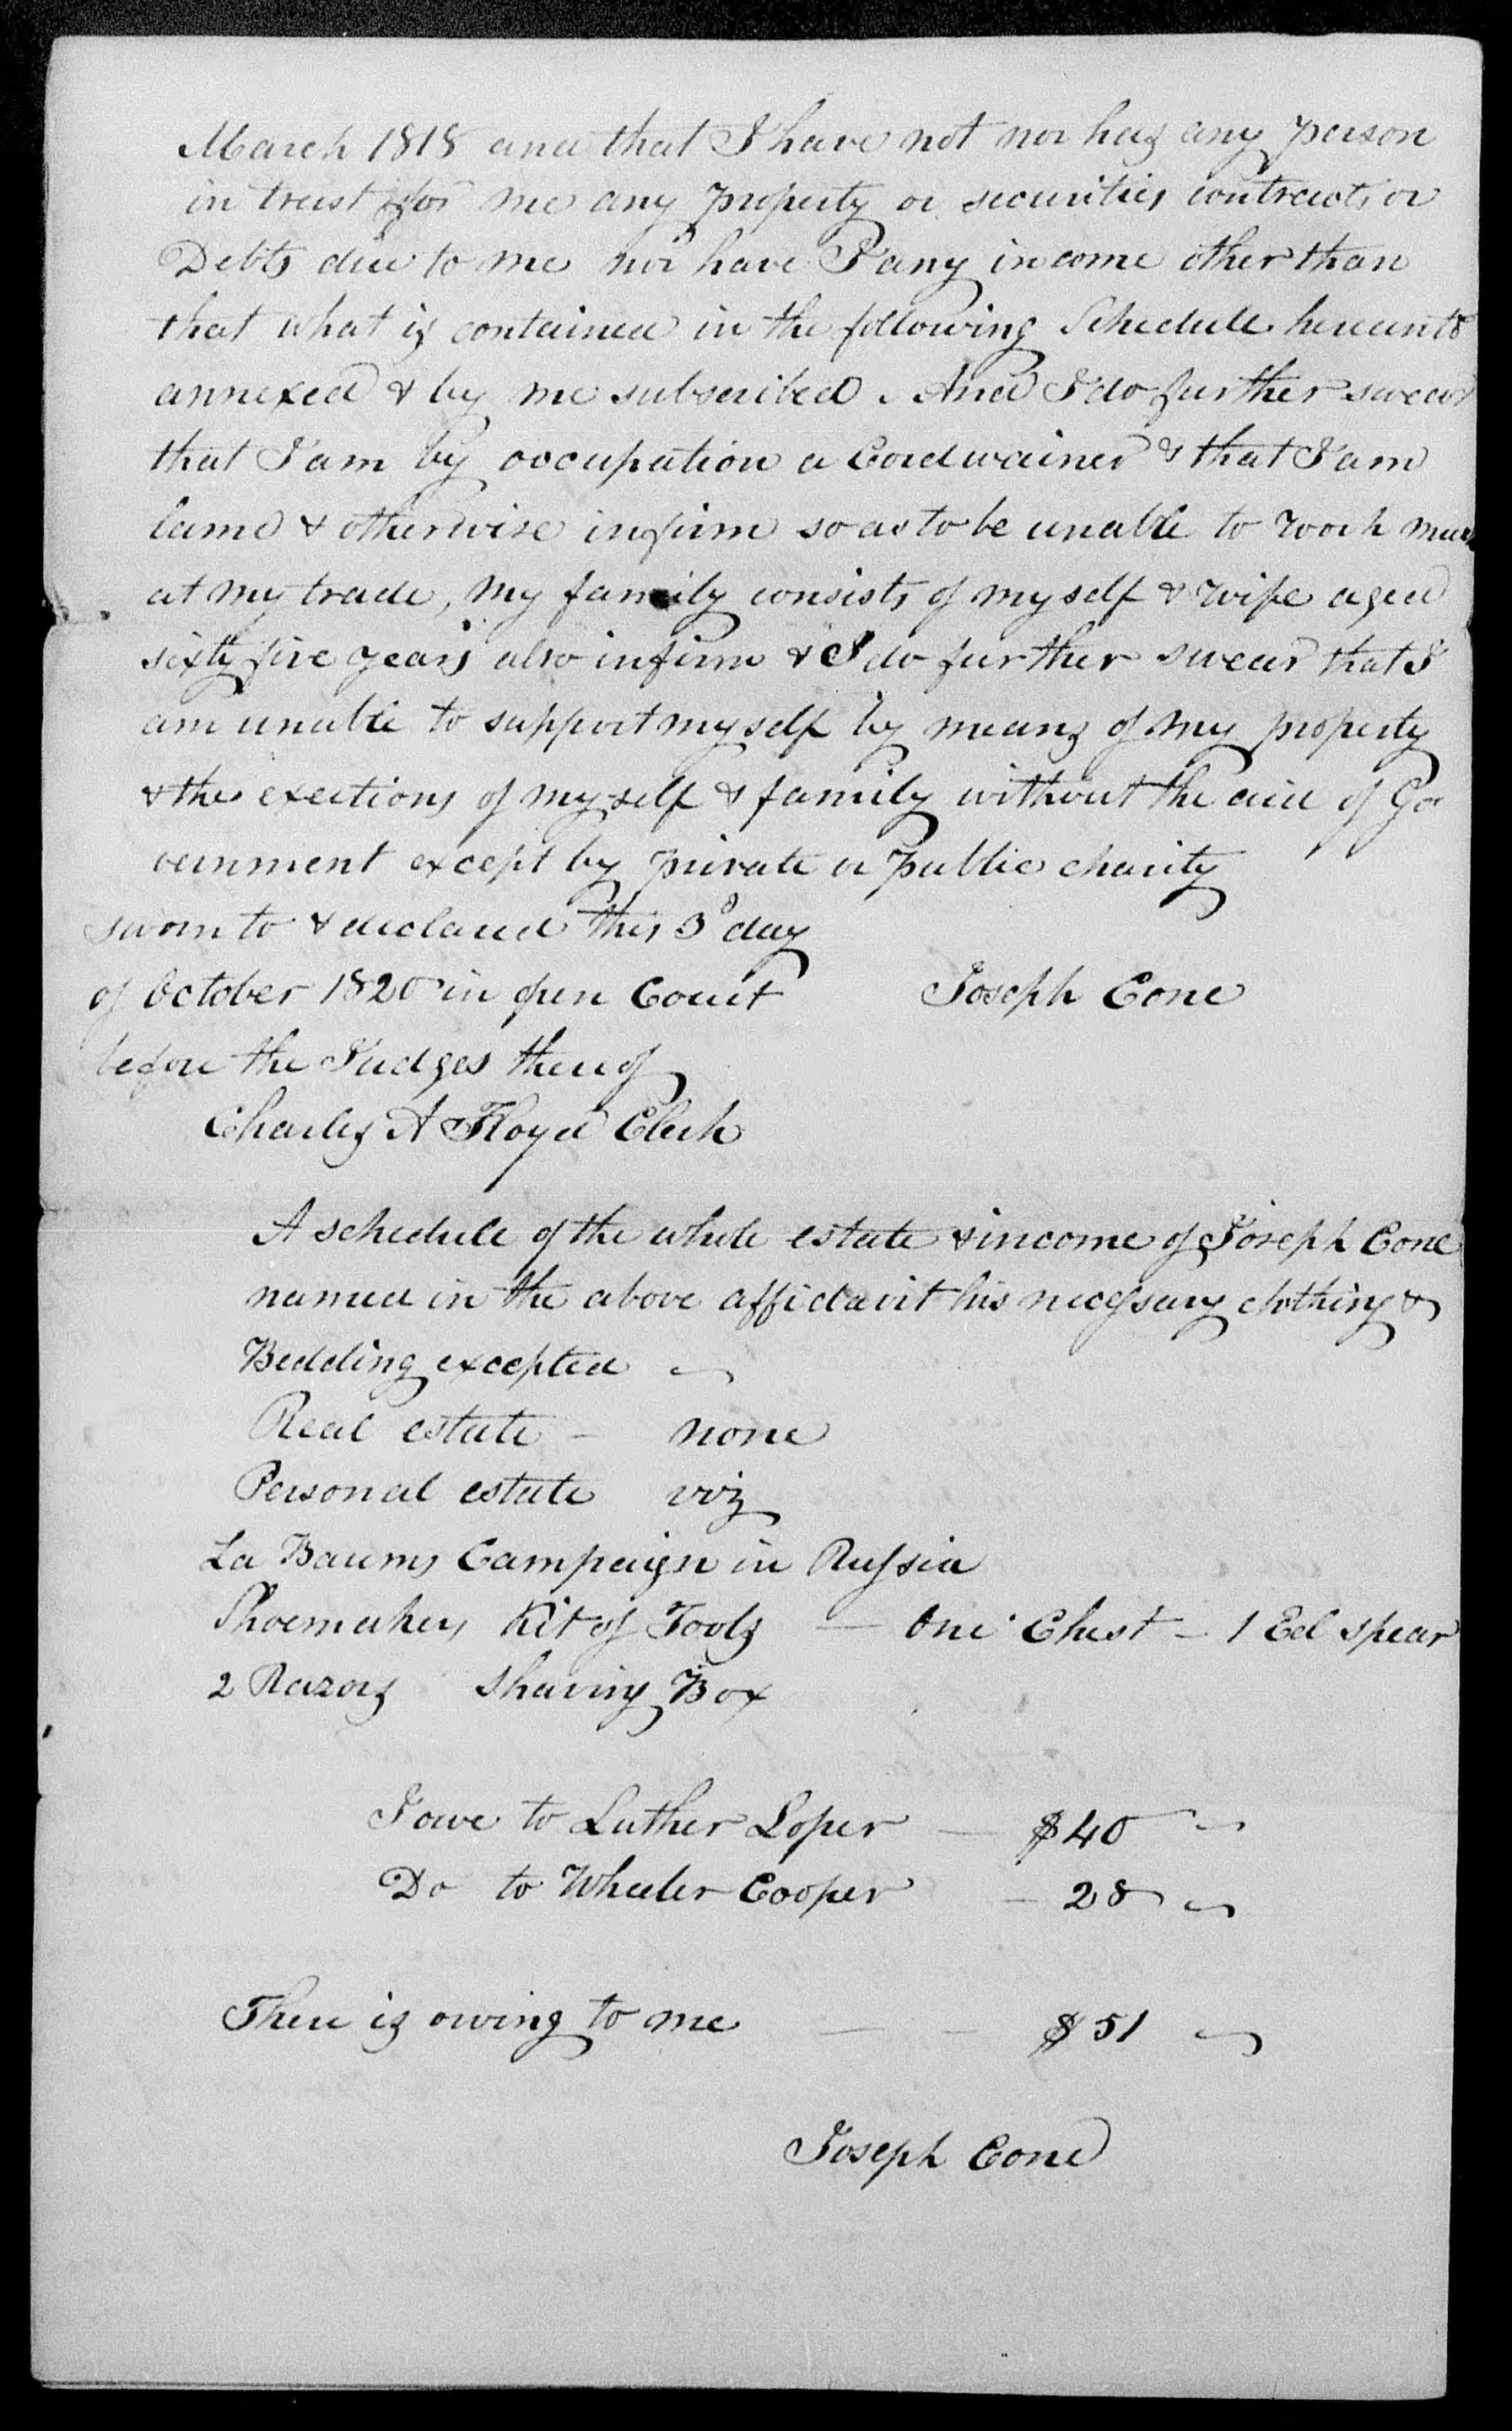March 1818 and that I have not nor has any person in trust for me any property or securities contracts or Debts due to me nor have I any income other than that what is contained in the following Schedule hereunto annexed & by me subscribed And I do further swear that I am by occupation a Cordwainer & that I am lame & otherwise infirm so as to be unable to work much at my trade, my family consists of myself & wife aged sixty five years also infirm & I do further swear that I am unable to support myself by means of my property & the exertions of myself & family without the aid of Government except by private or public charity
Sworn to & declared this 3d day
of October 1820 in open Court  Joseph Cone
before the Judges thereof
Charles A Floyd Clerk

A schedule of the whole estate & income of Joseph Cone named in the above affidavit his necessary clothing & bedding excepted ~
Real estate - none
Personal estate viz
La Baums Campaign in Russia
Shoemakers Kit of Tools - one Chest - 1 Eel spear
2 Razors shaving Box

I owe to Luther Soper - $40 ~
Do to Whaler Cooper - 28 ~

There is owing to me - - %51 ~

Joseph Cone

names: Joseph Cone, Charles A Floyd, Joseph Cone, Joseph Cone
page: 9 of 28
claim: survivor's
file: S. 12569, Joseph Cone, Conn Continental